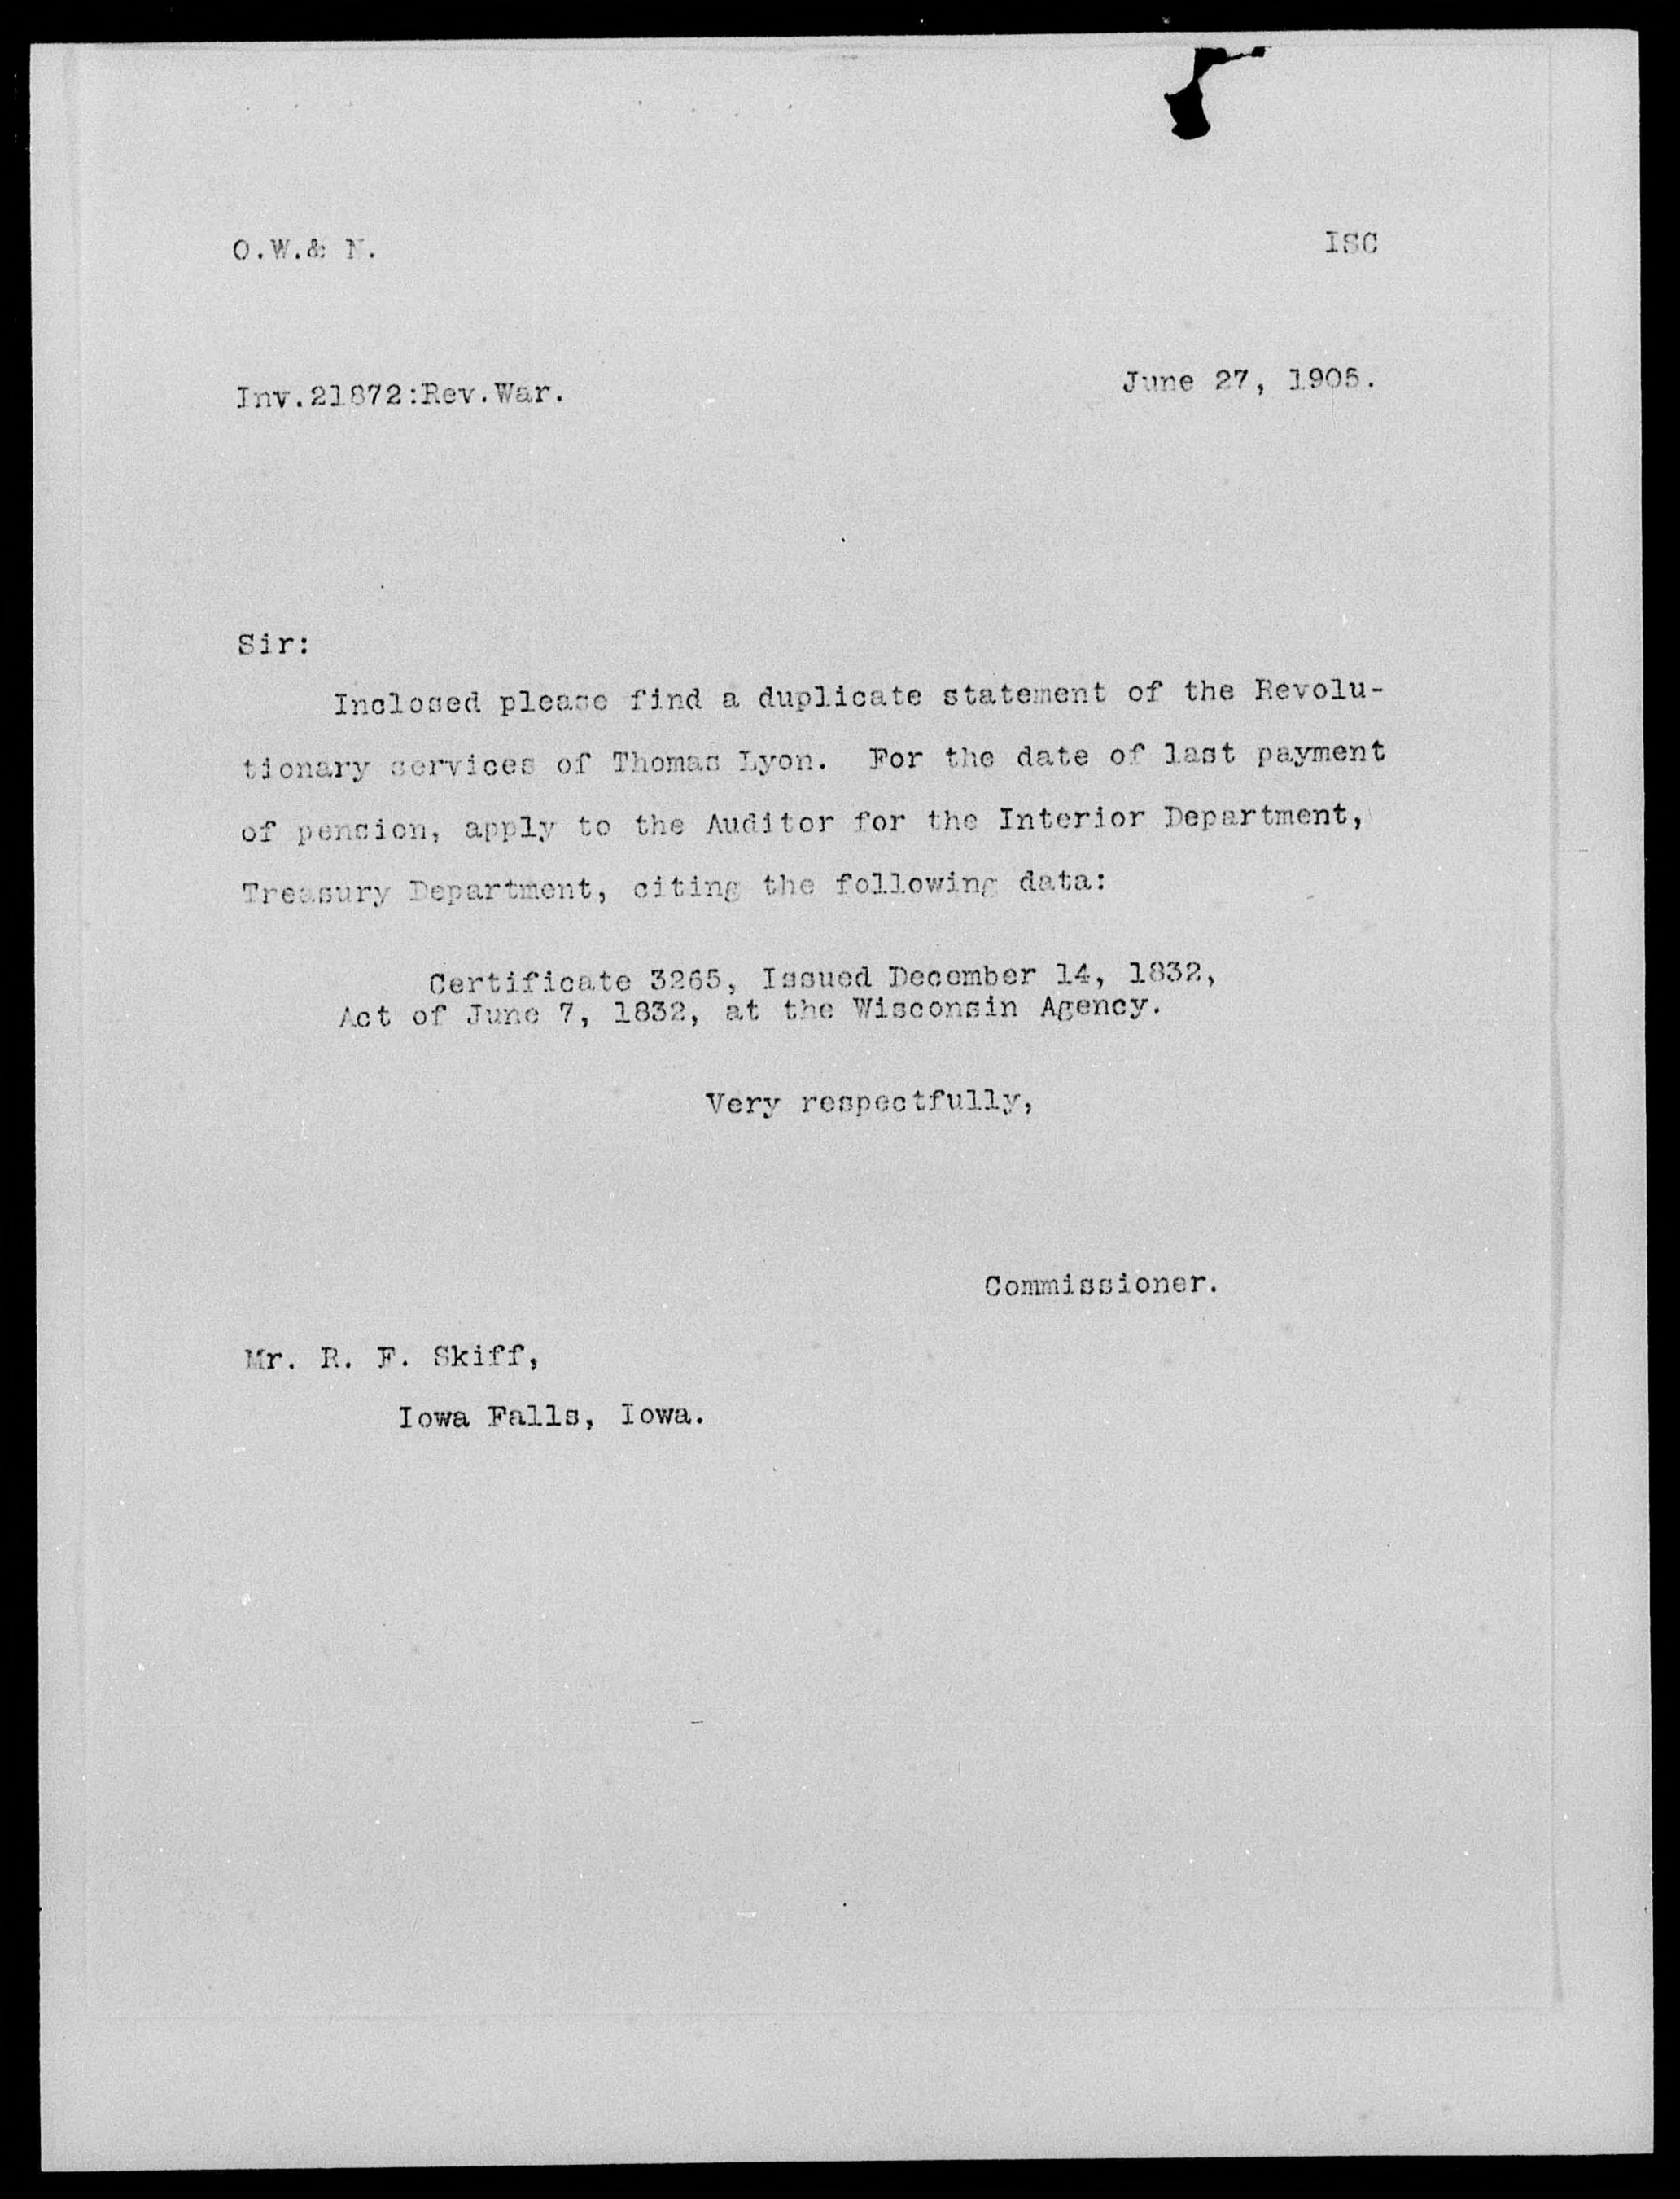O. W. & N.
ISC
Inv. 21872: Rev. War.
June 27, 1905.
Sir:
Inclosed please find a duplicate statement of the Revolutionary services of Thomas Lyon. For the date of last payment of pension, apply to the Auditor for the Interior Department, Treasury Department, citing the following data:
Certificate 3265, Issued December 14, 1832,
Act of June 7, 1832, at the Wisconsin Agency.
Very respectfully,

Commissioner.

Mr. R. F. Skiff,
Iowa Falls, Iowa.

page: 11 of 28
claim: survivor's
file: S. 21,872, for Thomas Lyon, New York